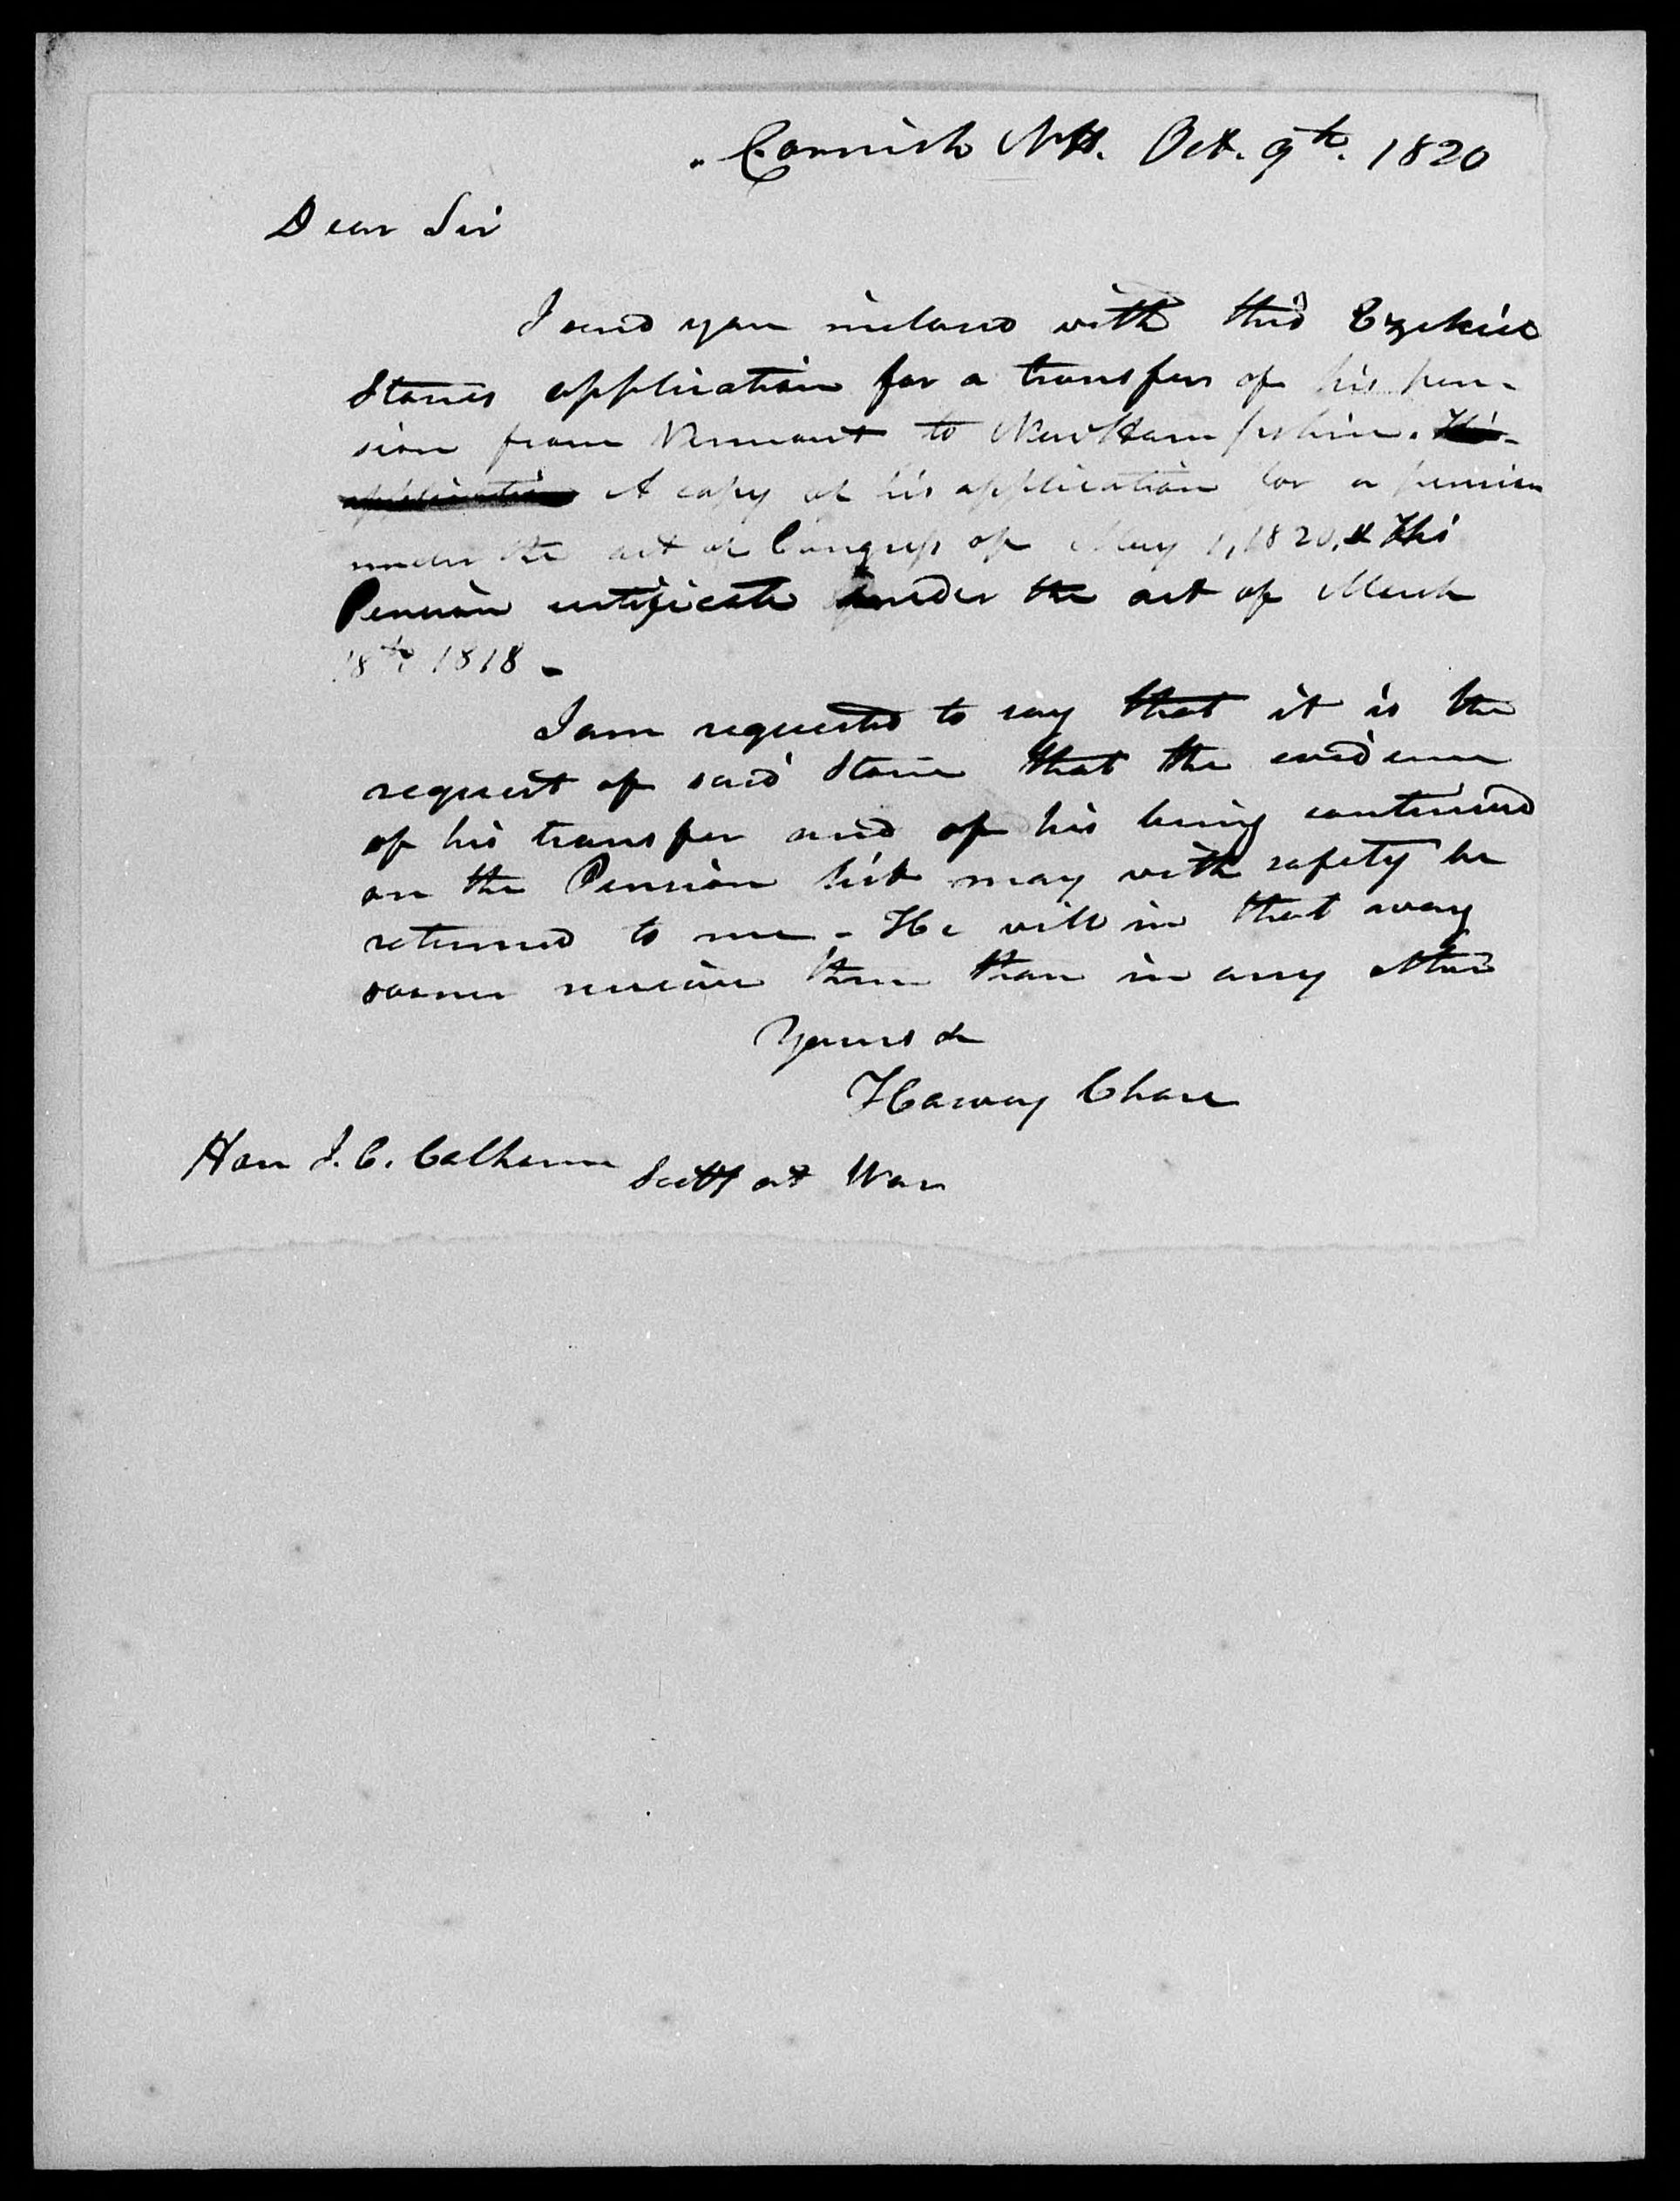Cornish N.H.   Oct. 9th. 1820

Dear Sir

I send you inclosed with this Ezekiel Stones application for a transfer of his pension from Vermont to New Hampshire.  ["This application" stricken out]  A copy of his application for a pension under the act of Congrefs of May 1, 1820, & his Pension certificate under the act of March 18th 1818--

I am requested to say that it is the request of said Stone that the said case of his transfer and of his being contained on the Pension List may with safety be returned to me.  He will in that way sure receive them than in any other.

Yours &c
Harvey Chase

Hon. J.C. Calhoun
Secty at War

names: Harvey Chase; J C Calhoun; Ezekiel Stone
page: 26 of 38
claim: survivor's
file: S. 43181, for Ezekiel Stone, New Hampshire